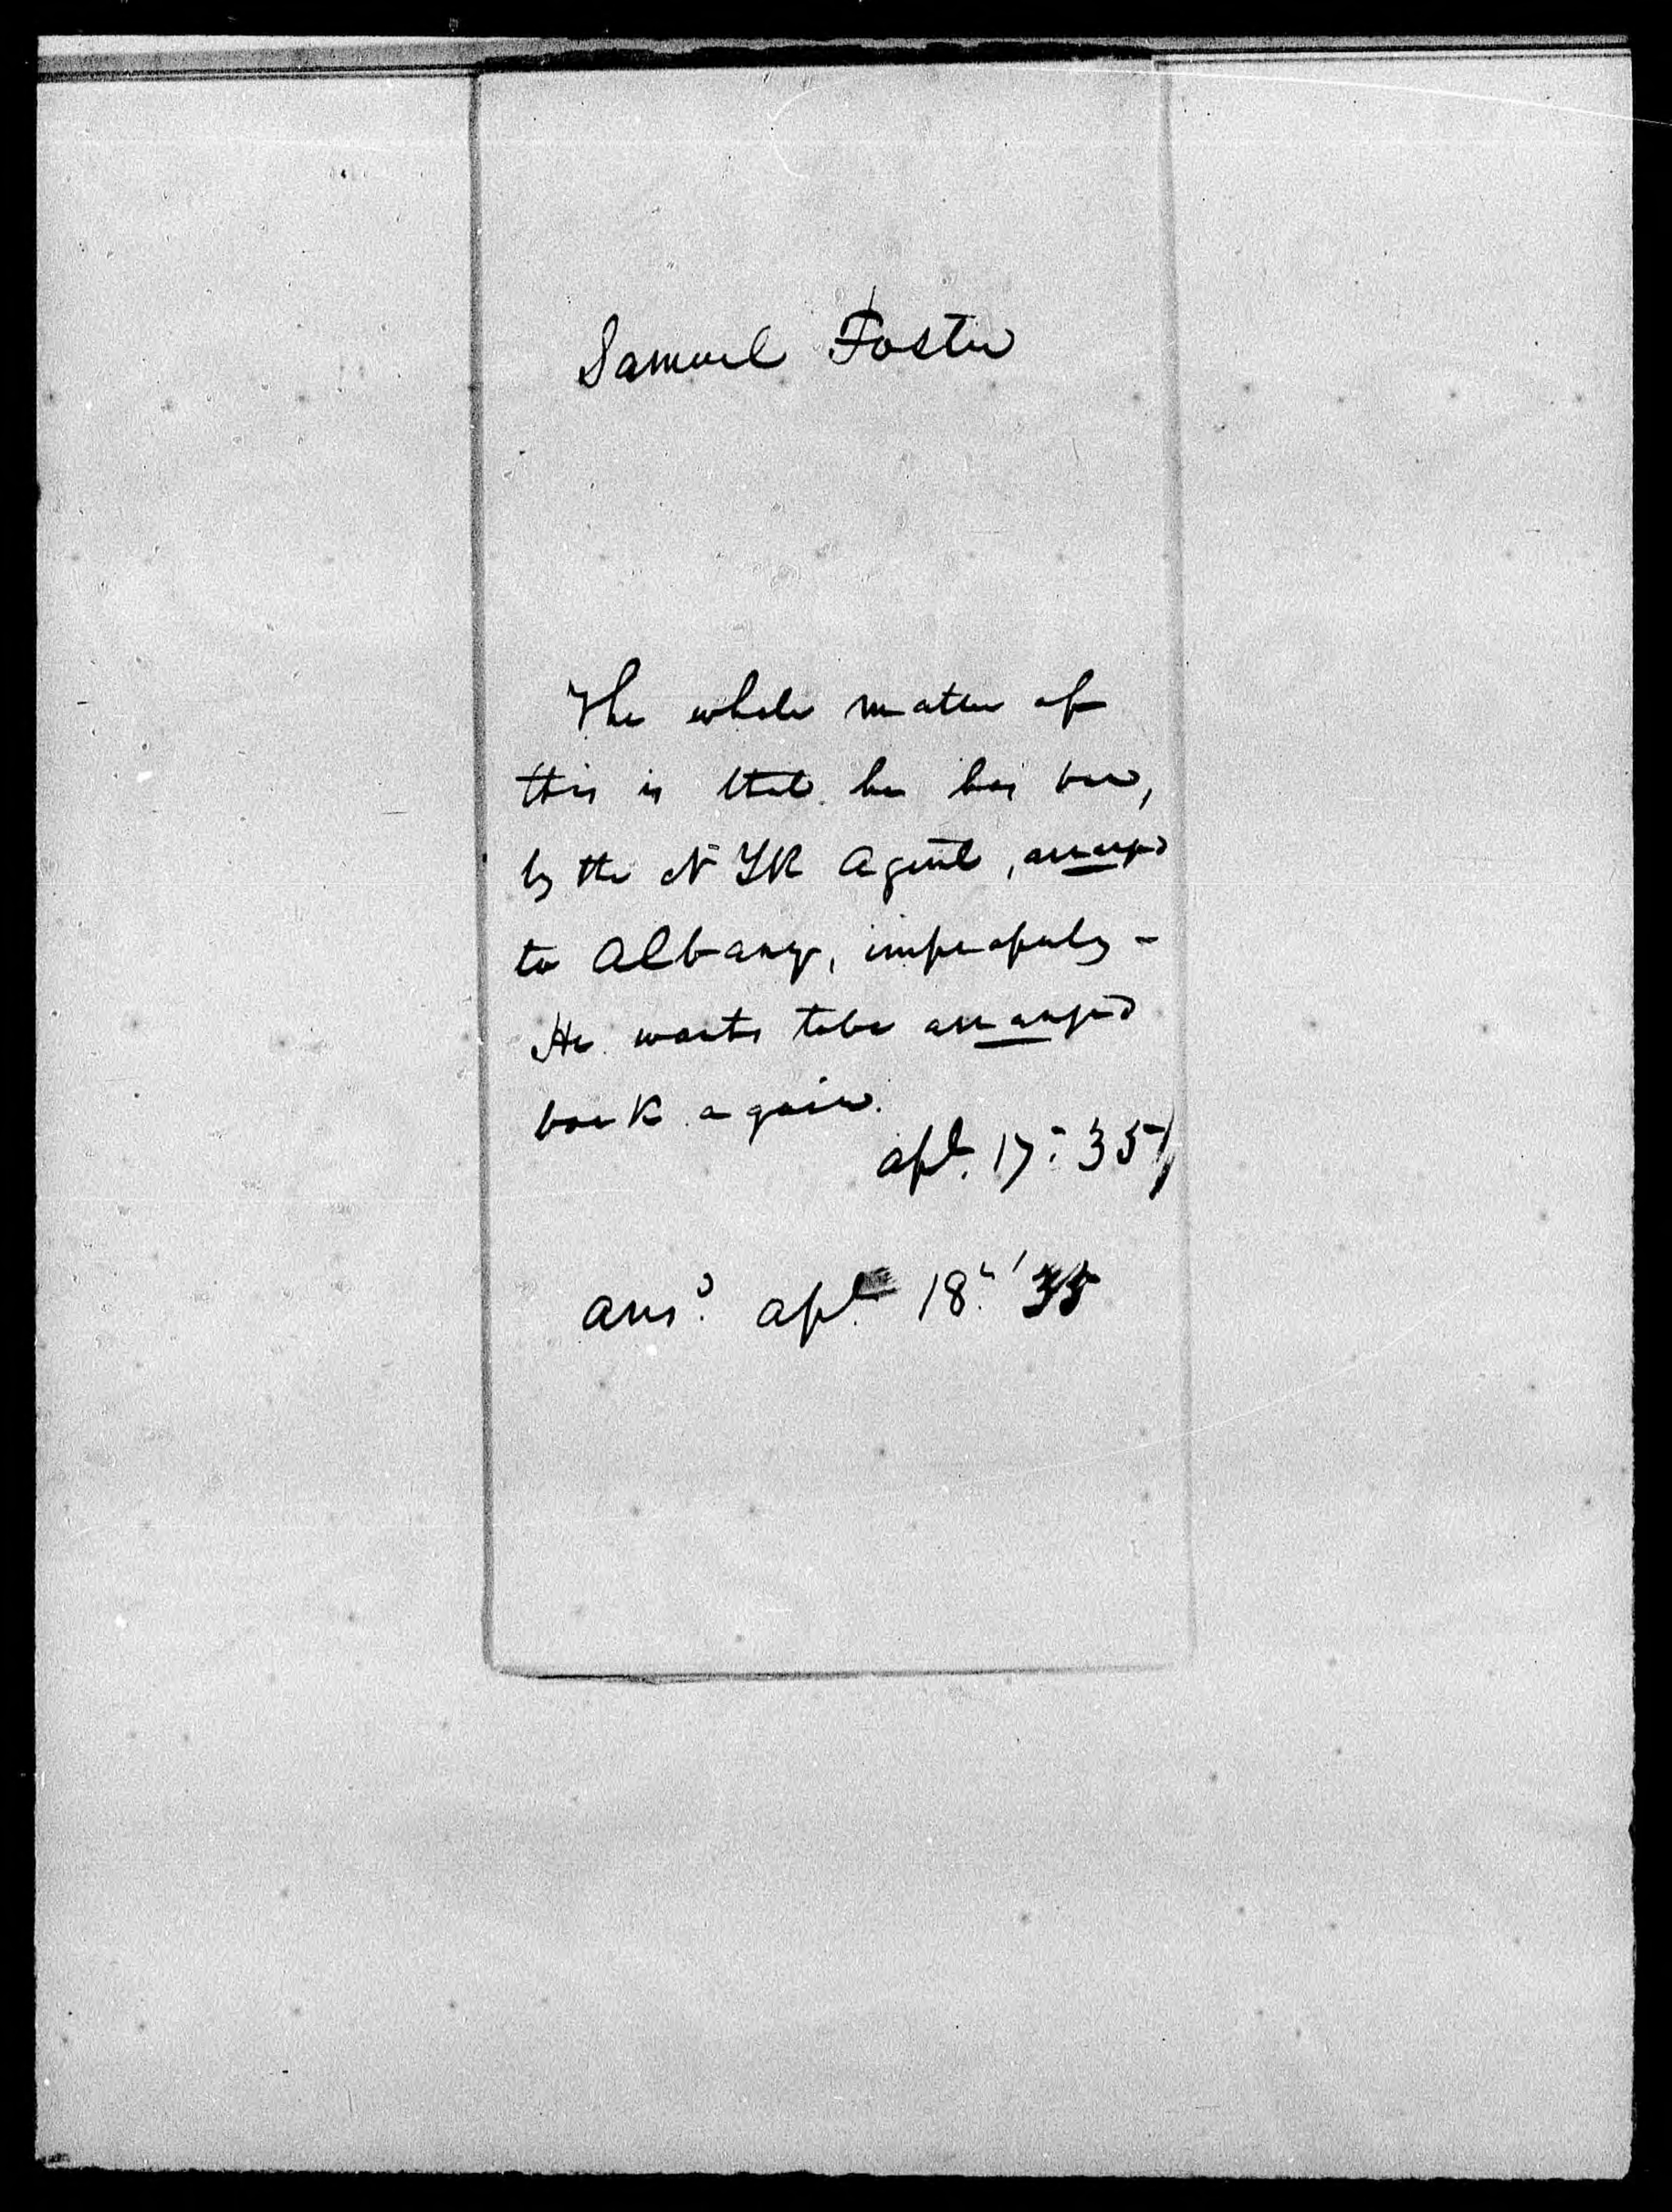Samuel Foster
The whole matter of this is state [illegible]
by the N YK Agent, arranged [underlined] to Albany, improperly -
He want to be arranged [underlined] [illegible] a gain.
Apl. 17. 35
arr. apl. 18. '35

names: Samuel Foster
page: 15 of 54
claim: survivor's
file: S. 13,043, Samuel Foster, Conn.